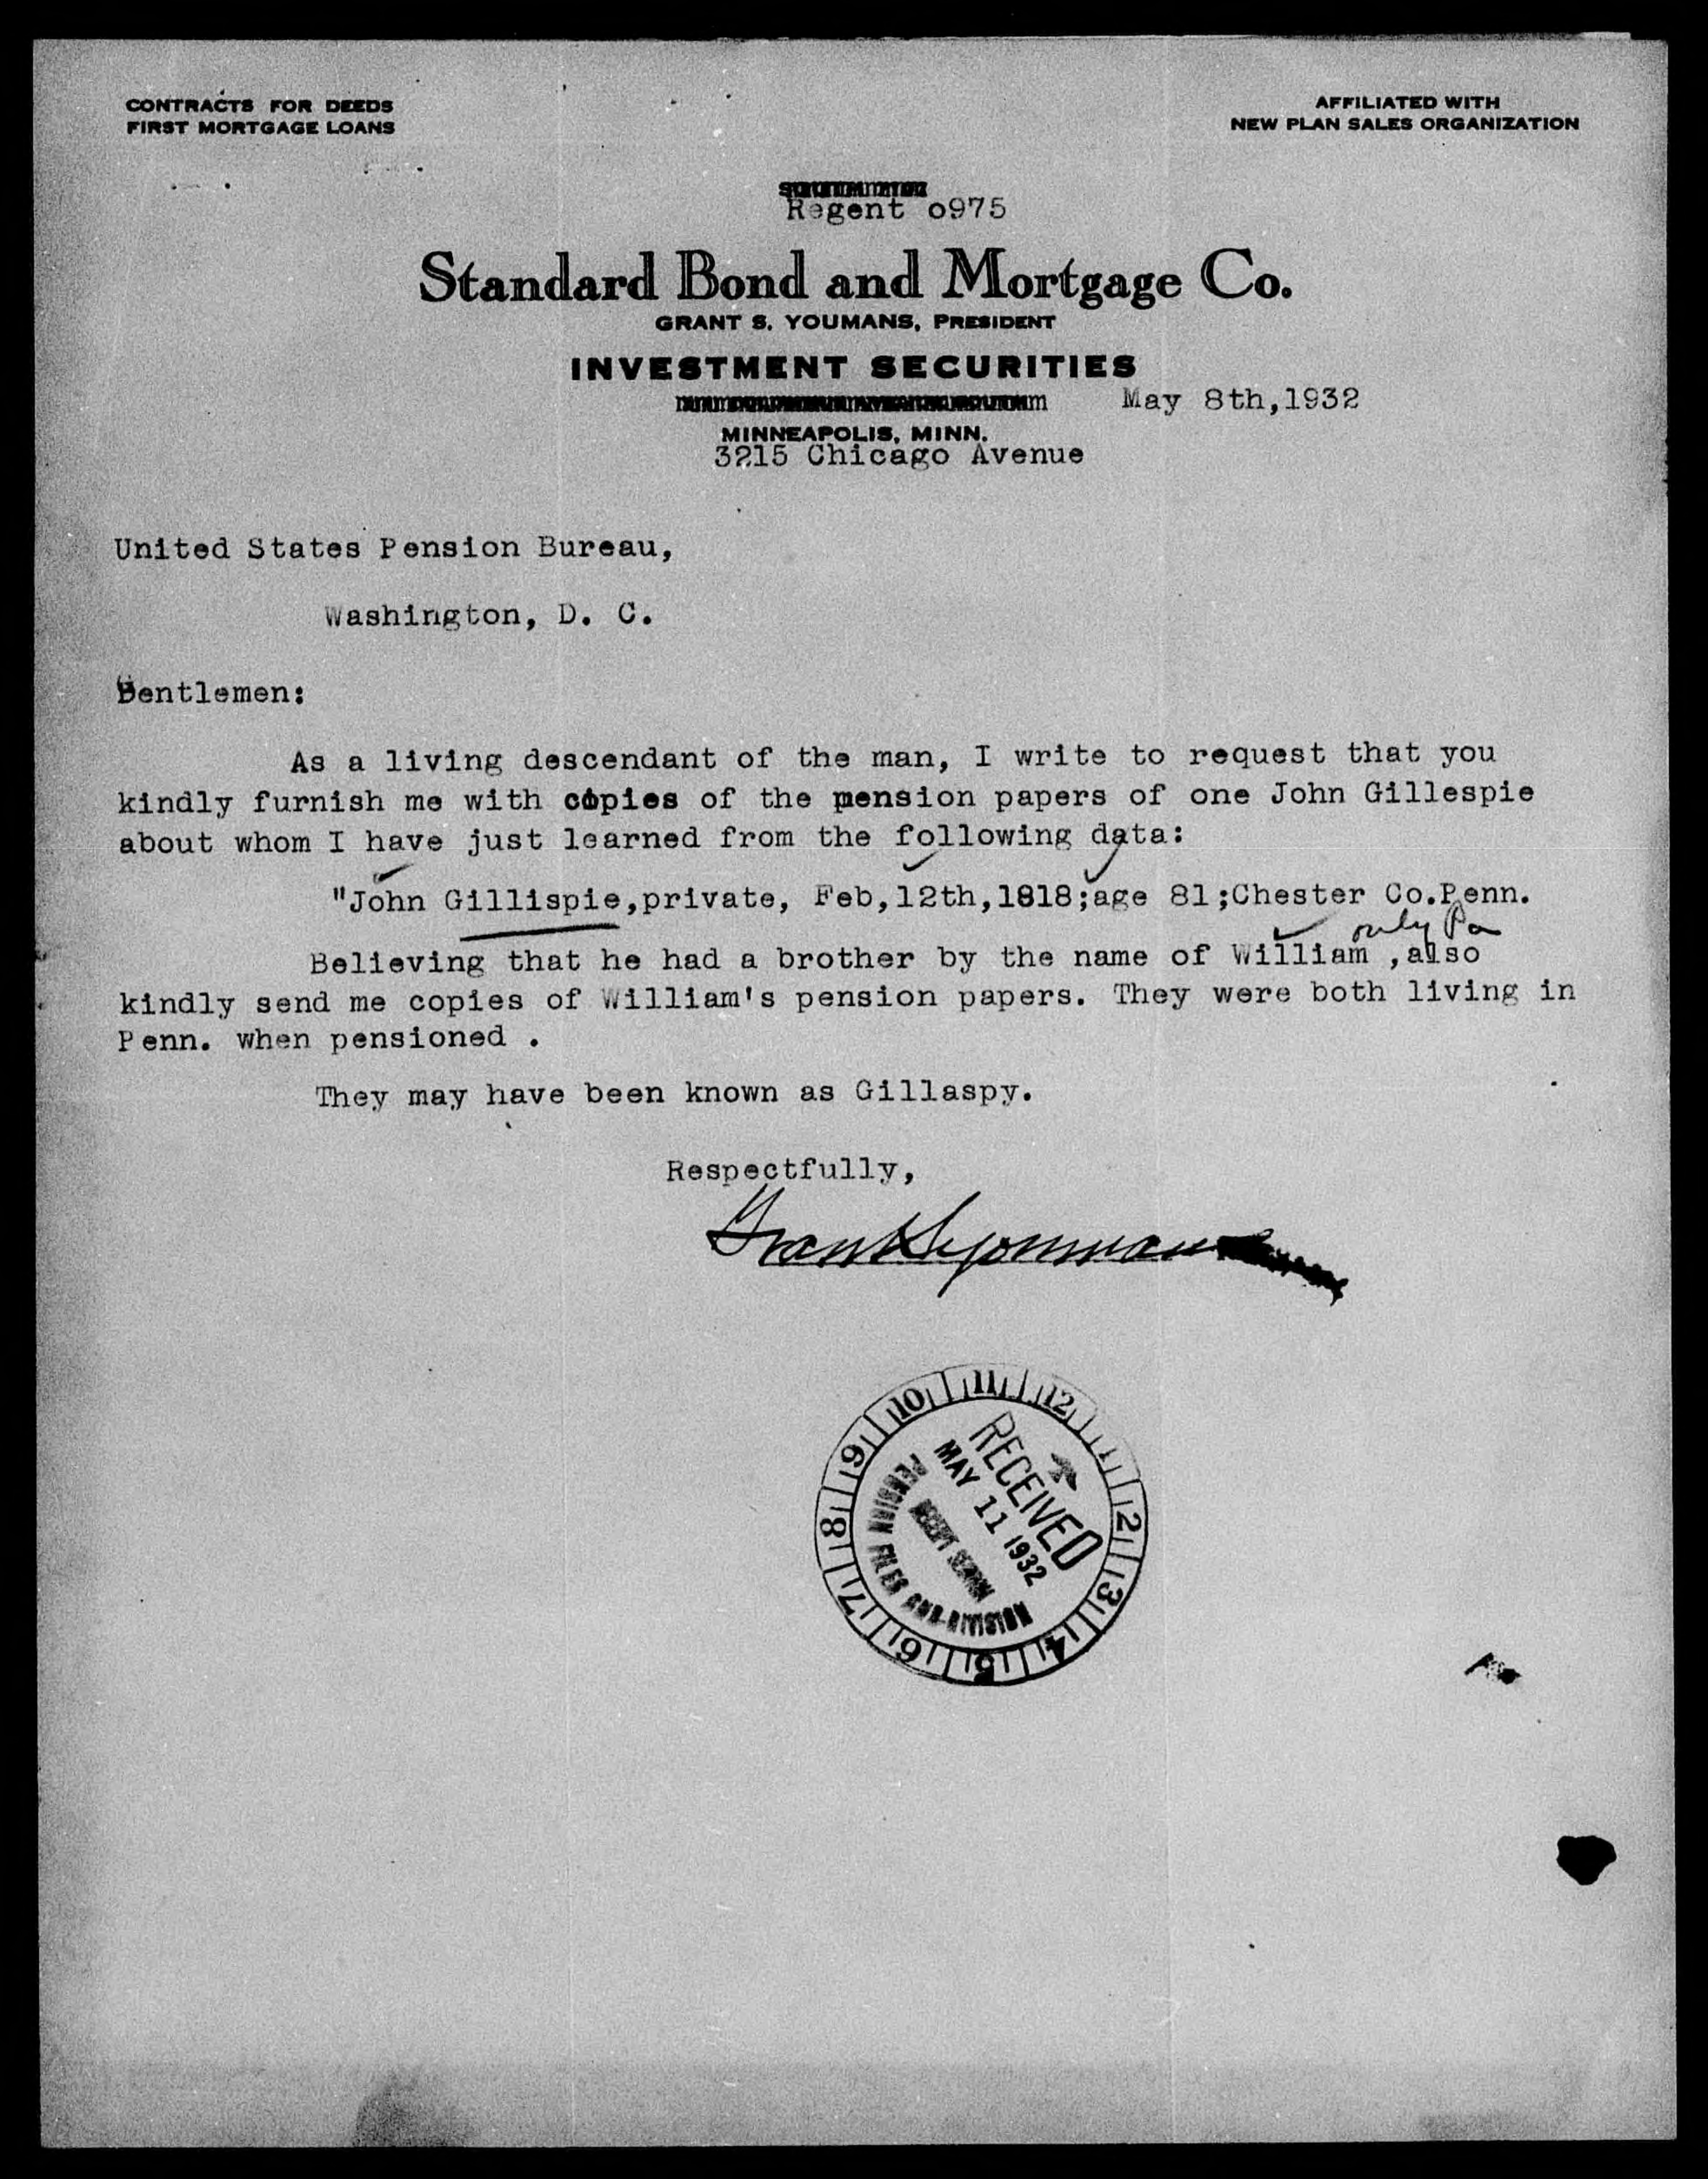[letterhead] Standard Bond and Mortgage Co.
Grant S. Youmans, President
Investment Securities
May 8th 1932
Minneapolis, Minn.
3215 Chicago Avenue
United States Pension Bureau,
Washington, D. C. 
Gentlemen:
As a living descendant of the man, I write to request that you kindly furnish me with copies of the pension papers of one John Gillespie about whom I have just learned from the following data:
"John Gillispie, private, Feb, 12th, 1818; age 81 Chester Co. Penn.
Believing that he had a brother by the name of William only Pa, also kindly send me copies of William's pension papers. They were both living in Penn. when pensioned.

They may have been known as Gillaspy.
Respectfully,
Grant S. Youmans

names: William, John Gillespie, John Gillispie, Gillaspy, William, Grant S Youmans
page: 17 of 20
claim: survivor's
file: S. 41581, John Gillespie, Continental Del.